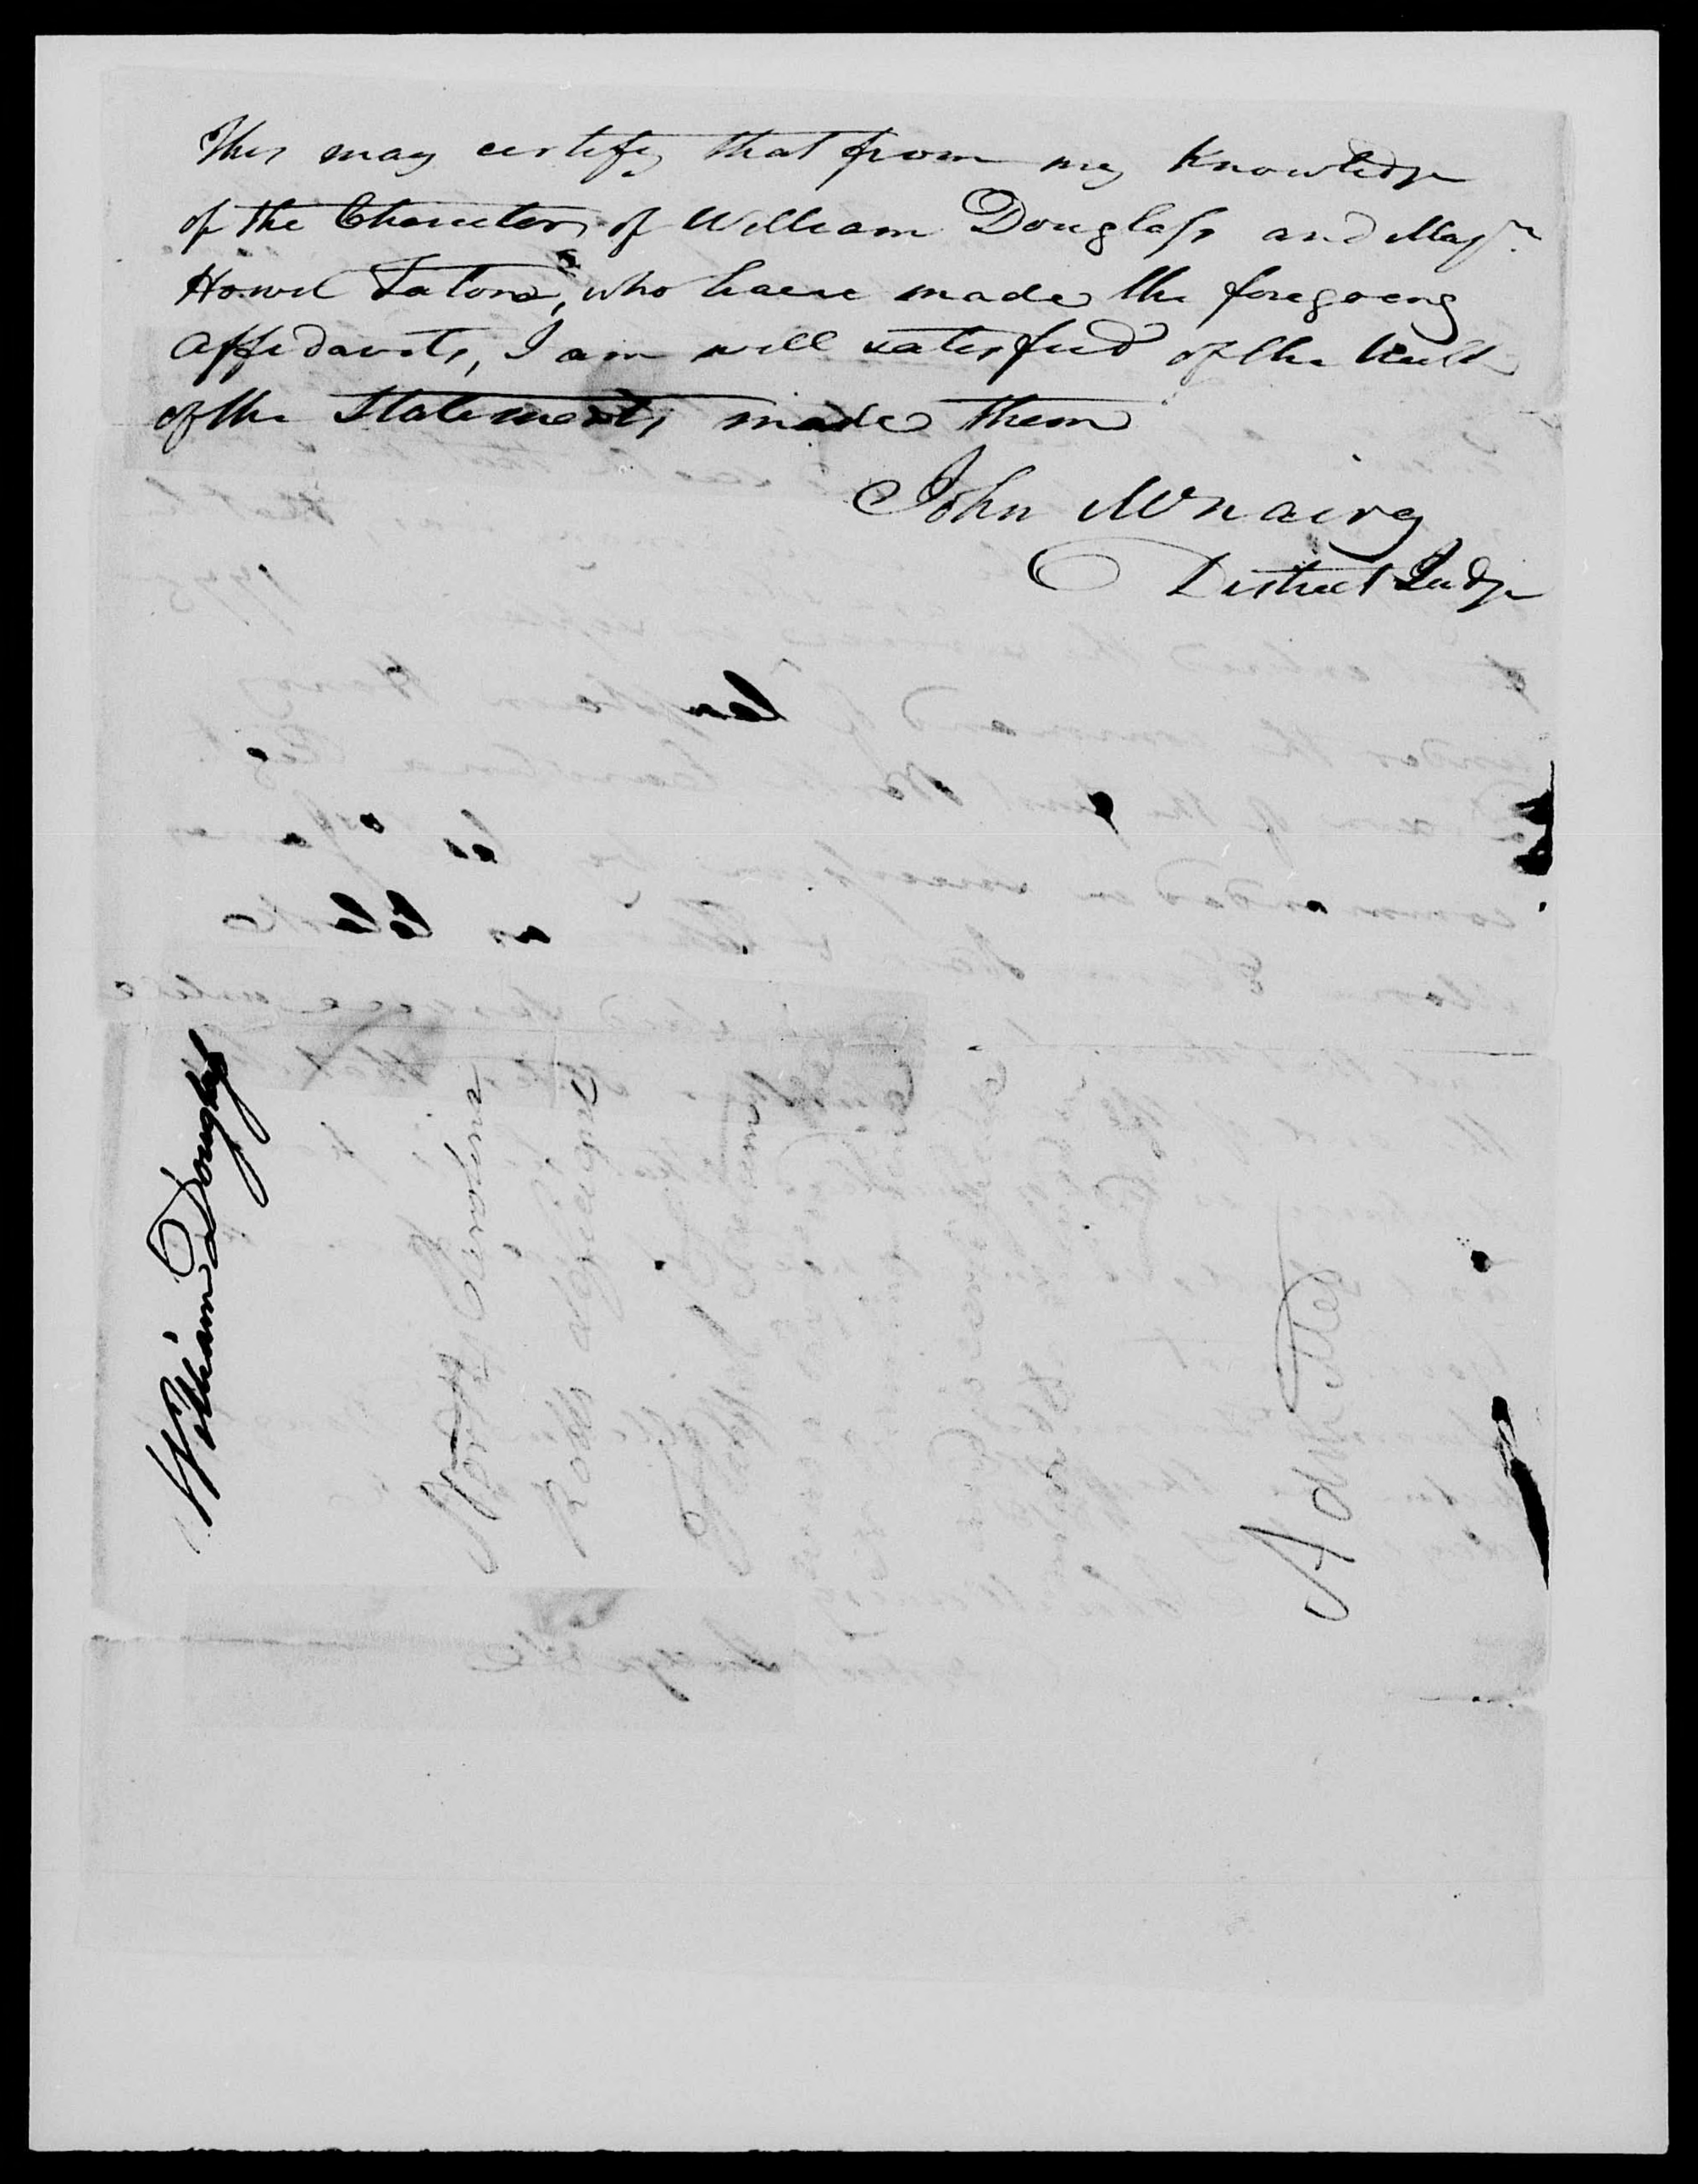This may certify that from my knowledge
of the Character of William Douglafs (Douglass) and may
Howel Tatons, who have made the foregoing
affidavits, I am will satisfied of the said
of the statements made them
John McNairy
District Judge
William Douglafs (left side sideway)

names: William Douglass, John Mc Nairy, William Douglass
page: 7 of 7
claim: survivor's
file: S. 38667, William Douglass, N.C.